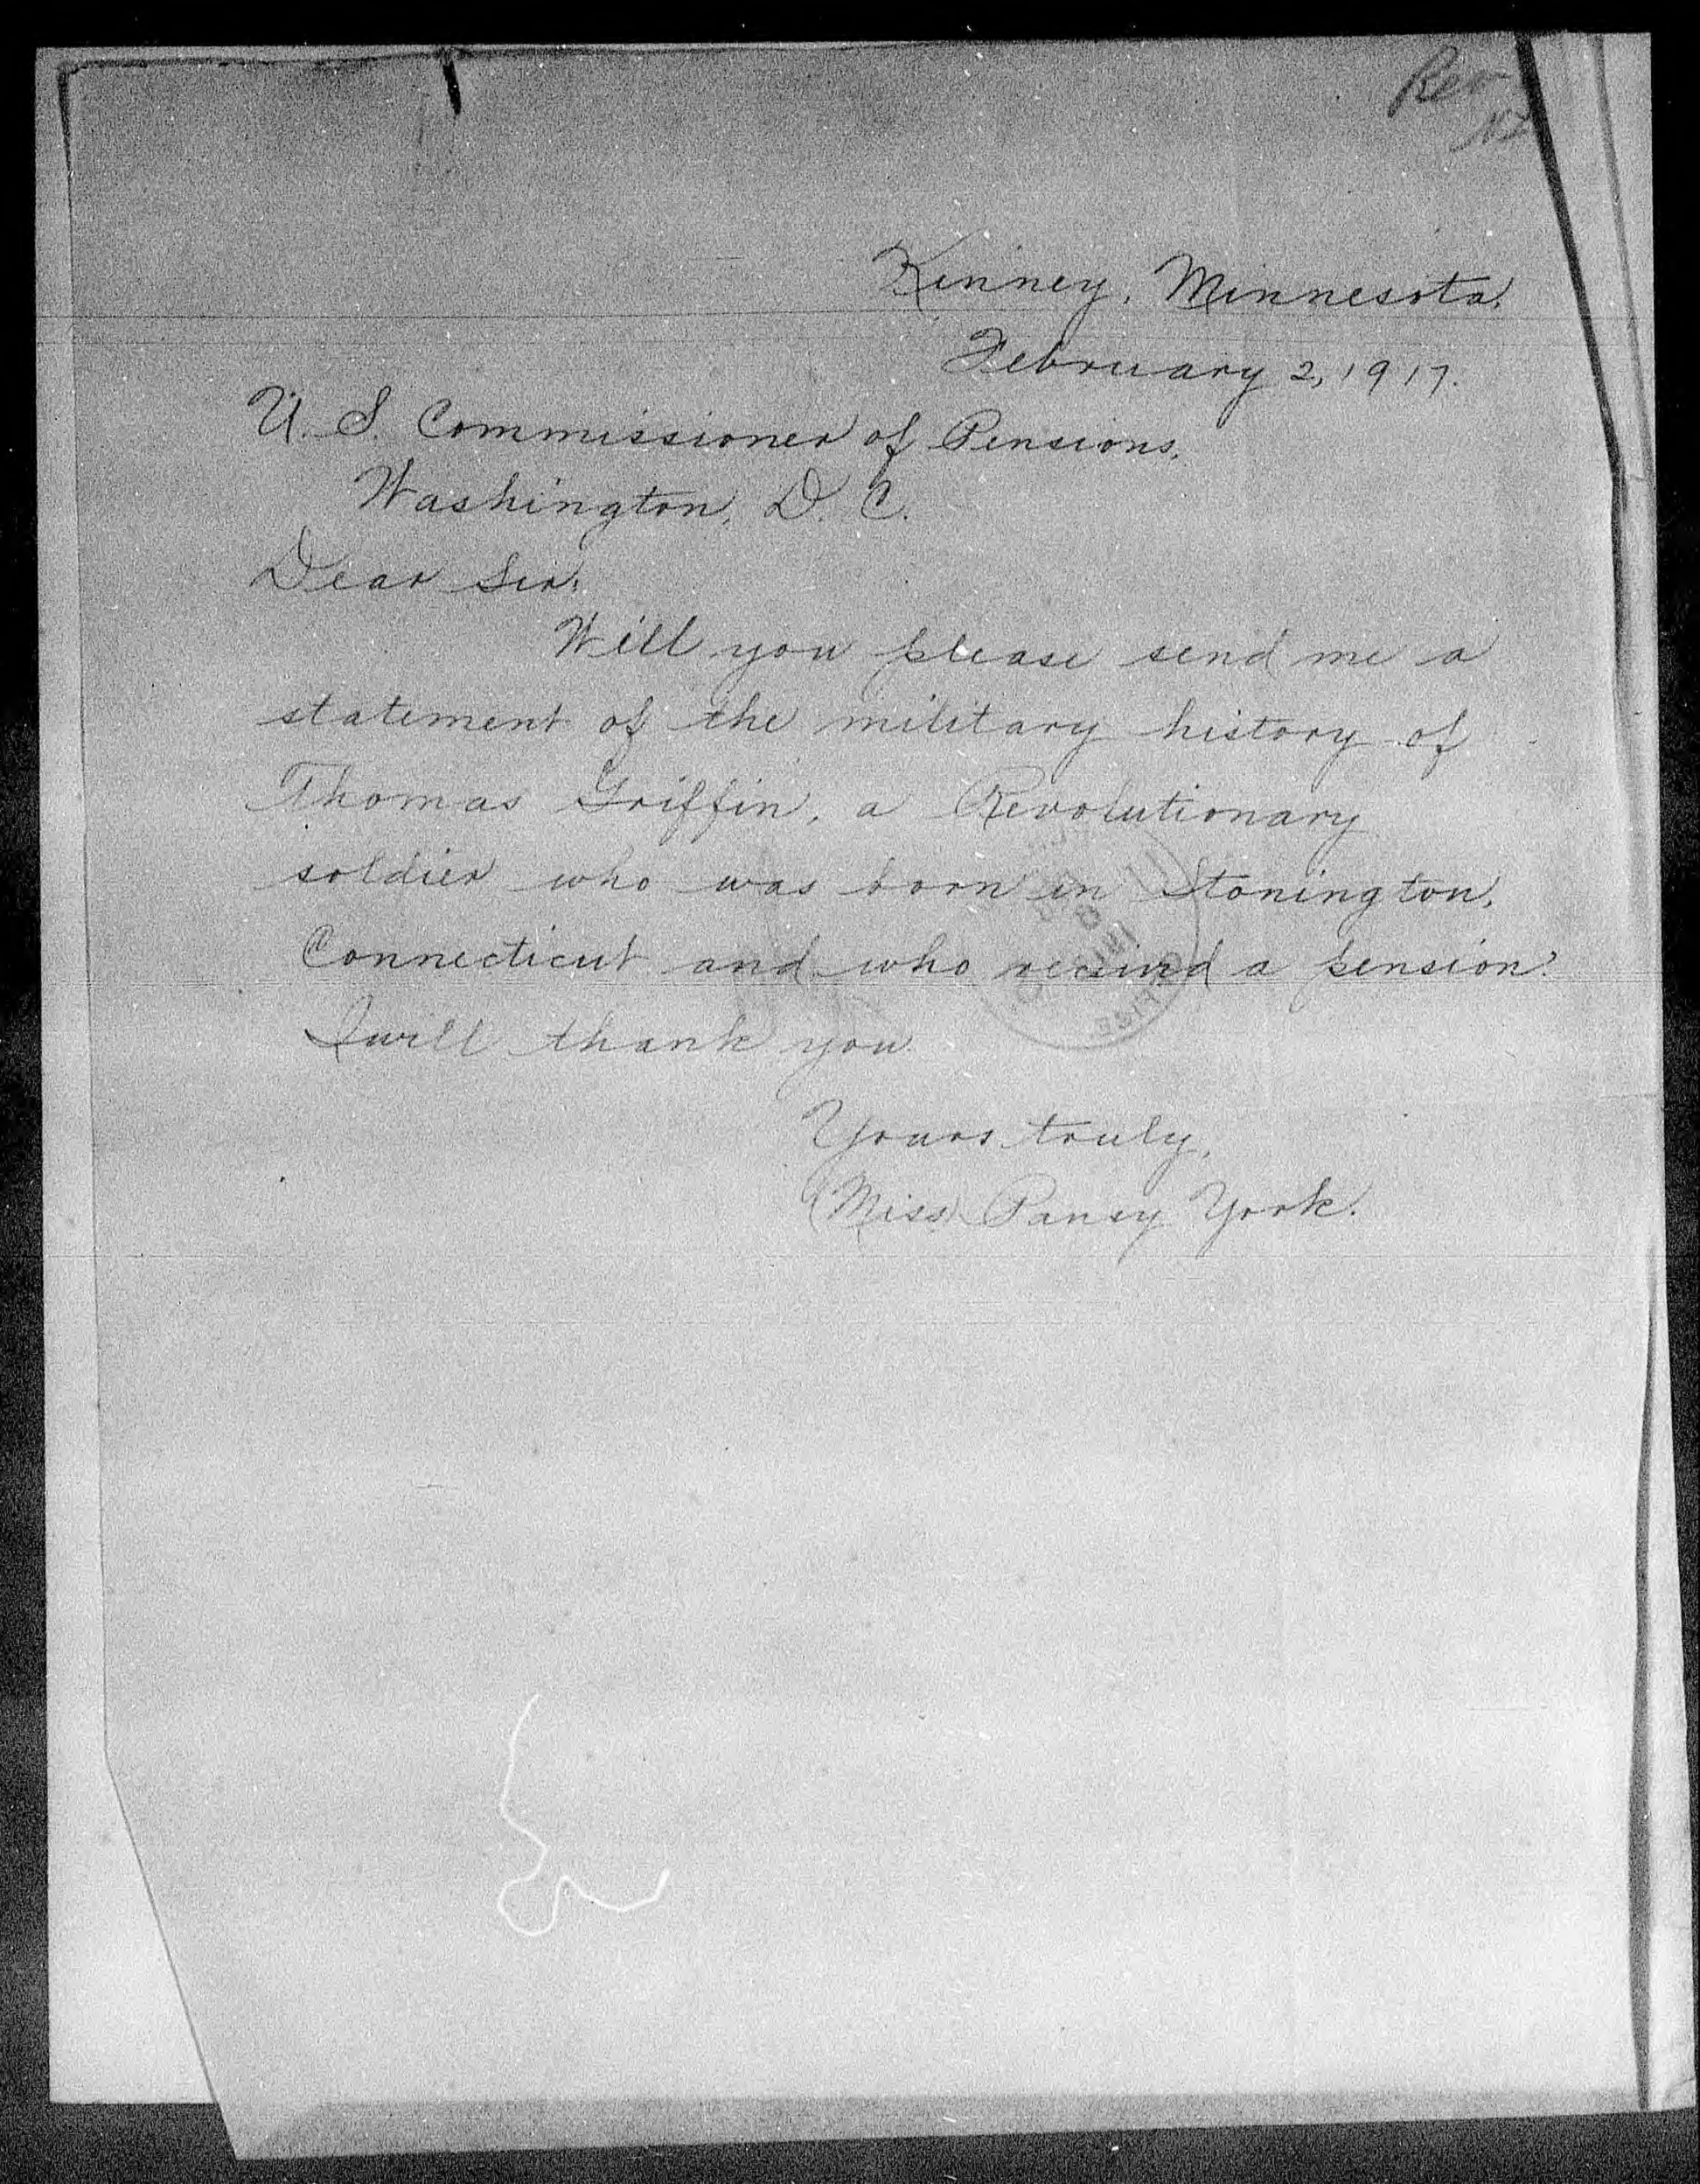Kenney, Minnesota,
February 2, 1917.

U.S. Commissioner of Pensions
Washington, D.C.

Dear Sir, 
Will you please send me a statement of the military history of Thomas Griffin, a Revolutionary soldier who was born in Stonington, Connecticut and who received a pension. I will thank you. 

Yours truly,
Miss Pansy York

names: Thomas Griffin, Pansy York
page: 53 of 60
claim: widow's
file: W. 19,537, Thomas Griffin, Conn.